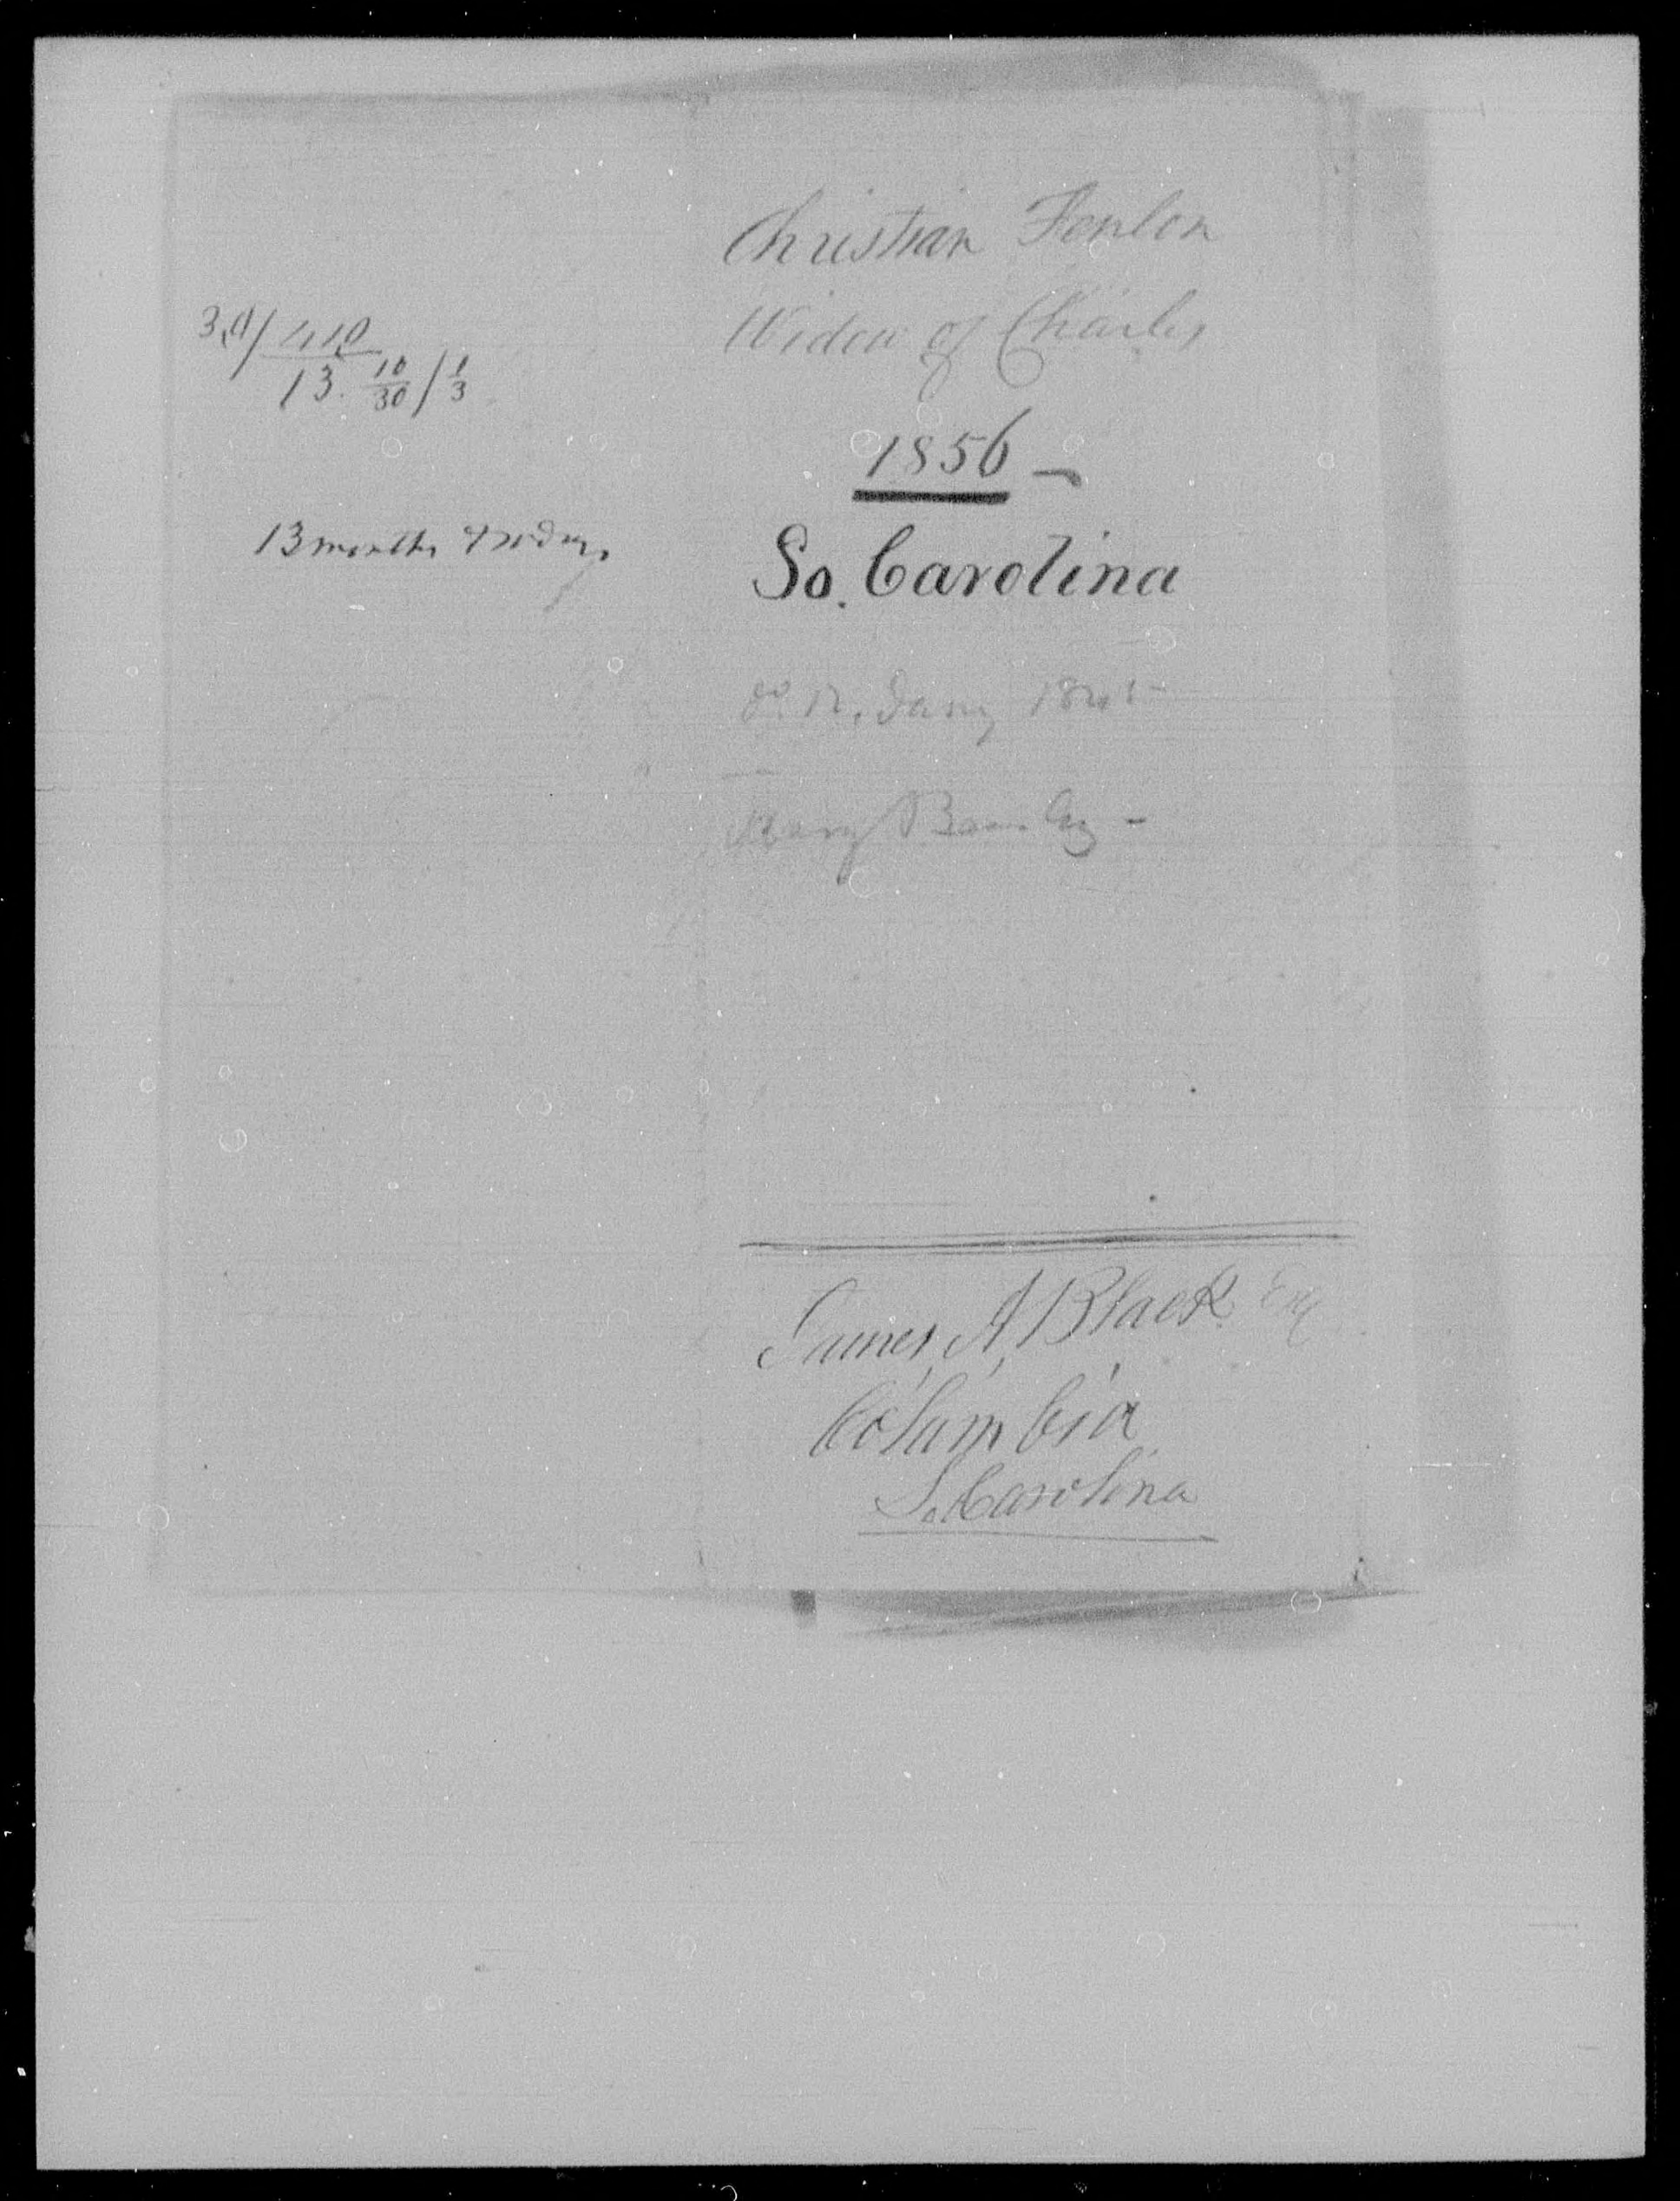Christian (sic) Teulon
Widow of Charles
1856  So. Carolina
3.4 /410
13. 10/30 / 1/3
13 months today 
(faint and illegible )
(illegible) A. Black Esq.
Columbia
So. Carolina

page: 16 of 19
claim: rejected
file: R. 10474, for Charles Teulon, South Carolina